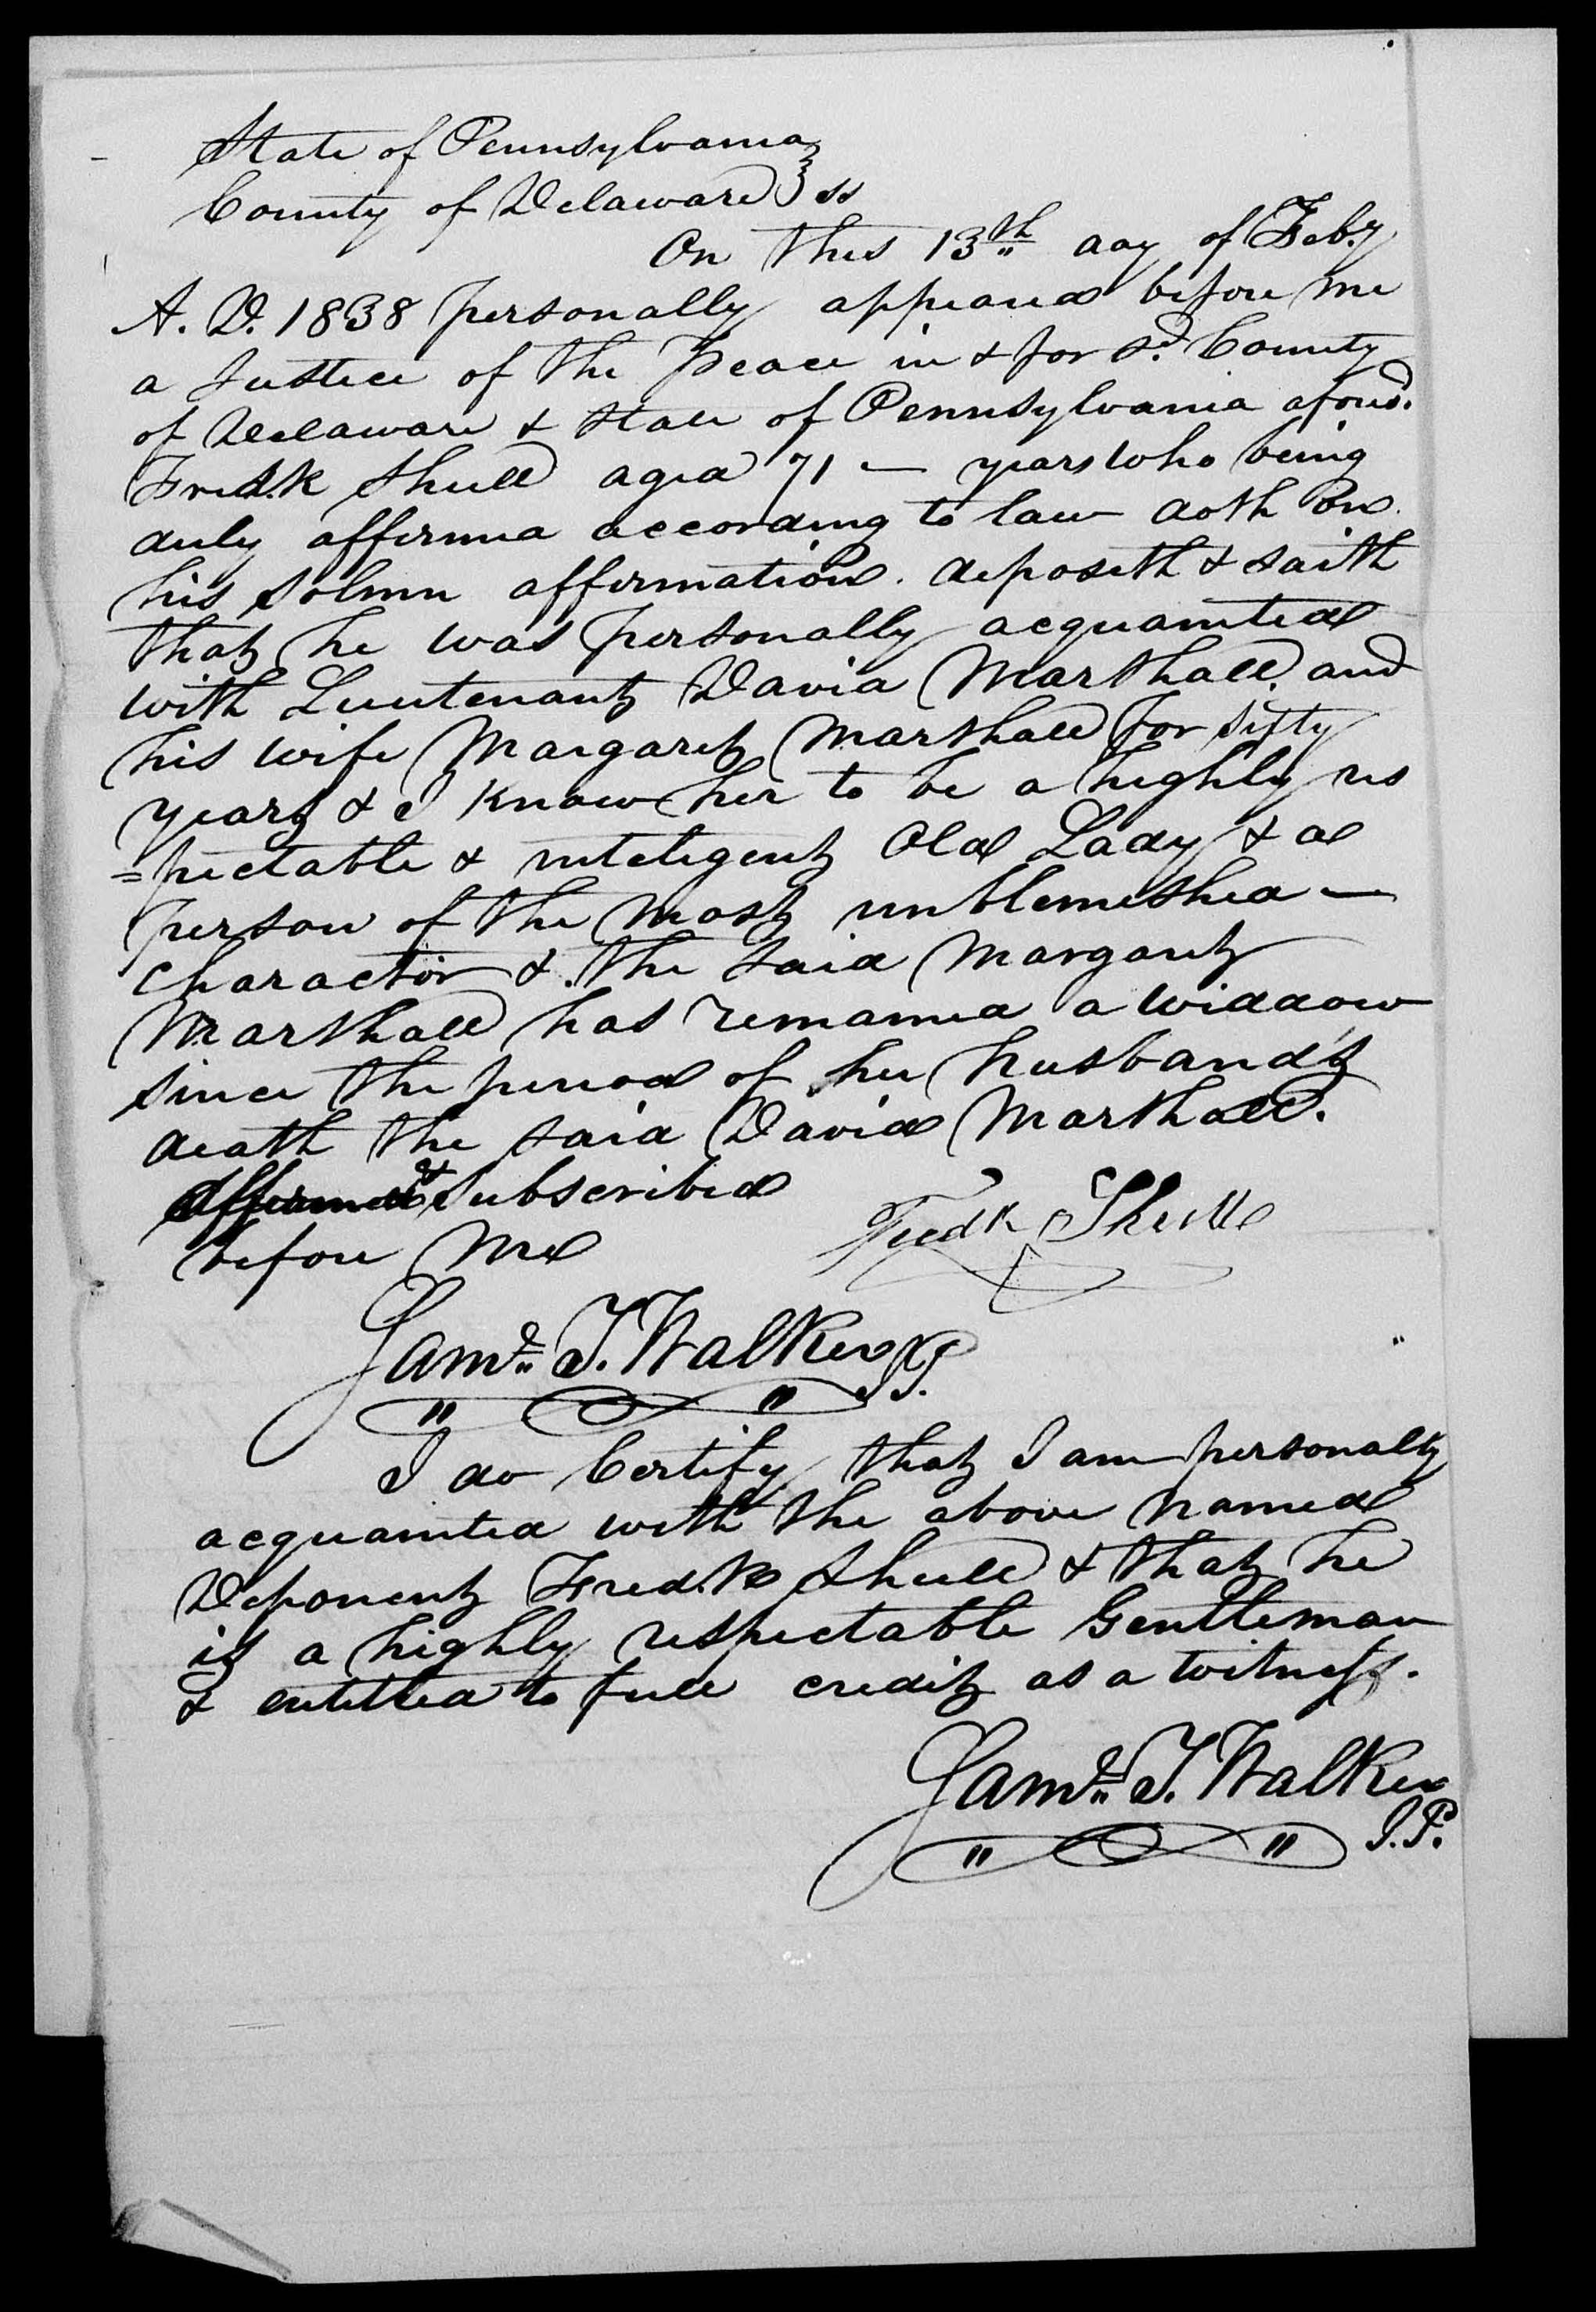State of Pennsylvania
County of Delaware

On this 13th day of July A.D. 1838 personally appeared before me a Justice of the peace in & for said County of Delaware & state of Pennsylvania afores. Fred k Shull aged 71 years who being duly affirmed according to law doth  [illegible] his solemn affirmation deposeth & saith that he was personally acquainted with Lieutenant David Marshall and his wife Margaret Marshall for sixty years & I know her to be a highly respectable & intelligent old Lady & a person of the most unblemished character & the said Margaret Marshall has remained a widdow since the period of her husband's death the said David Marshall.
Fred K Shull
Affirmed & subscribed before me
Jam. T Walker J. P.
I do Certify that I am personally acquainted with the above named deponant Fred K Shull & that he is a highly respectable Gentleman & entitled to full credit as a witness.
Jam. T. Walker J. P.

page: 67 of 86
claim: widow's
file: W. 3571, for David Marshall, Pennsylvania